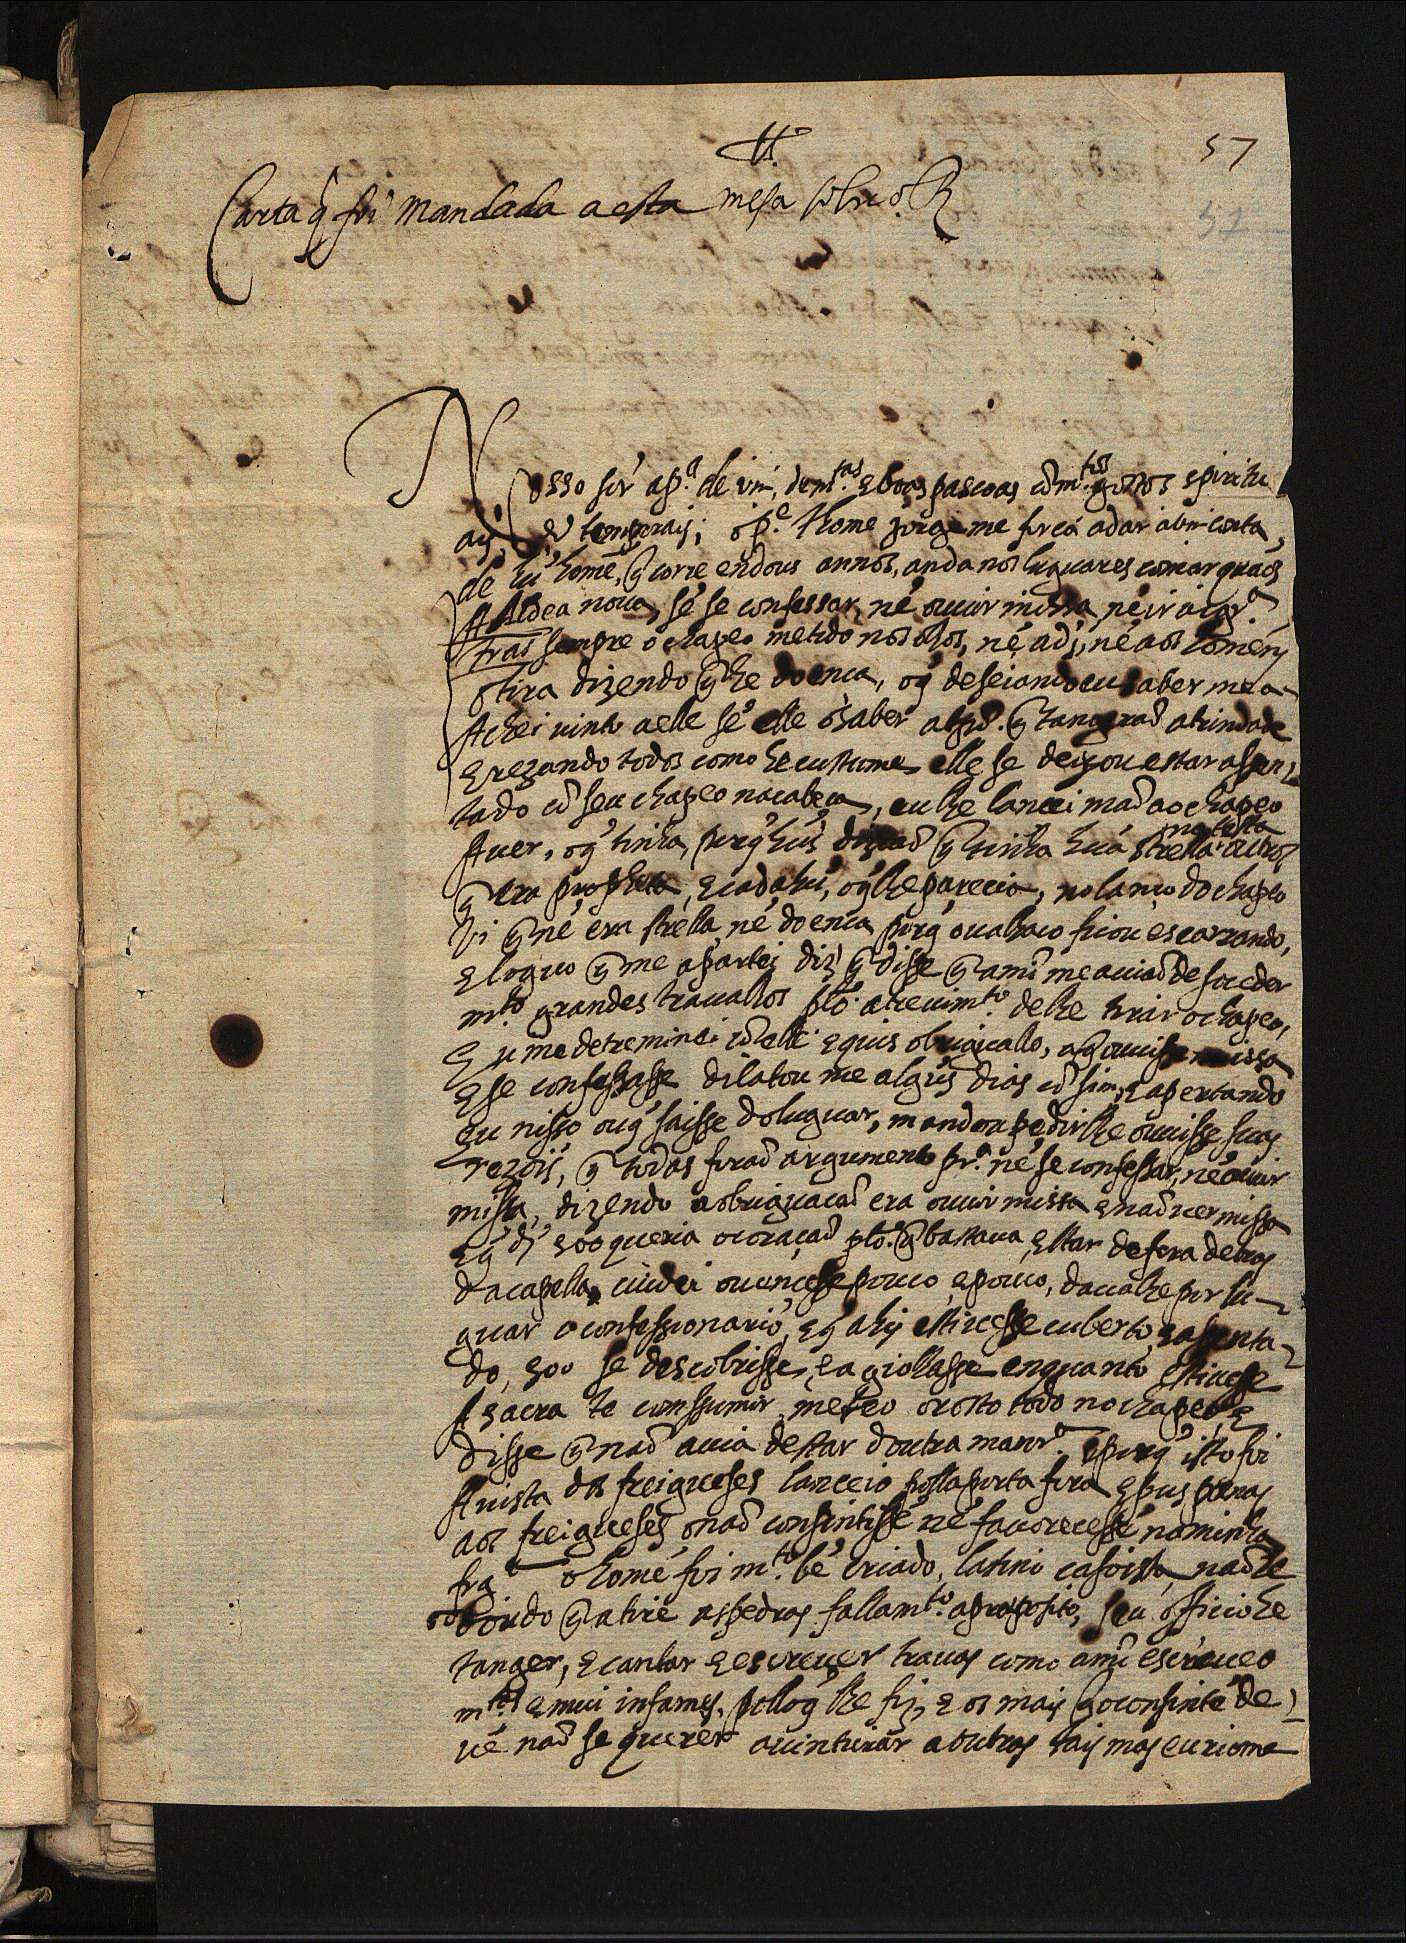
57
Carta q̄ foi mandada a esta mesa sobre o R
Nosso sor̄ a p.a de vm de m.tas E boas pascoas cō m.tos gostos spiritu
ais E temporais, o p.e Thome jorge me força a dar a vm conta
de hū homē, q̄ corre en dous annos, anda nos luguares comarquaõs
A Aldea noua, sē se confessar nē ouuir missa, nē ir a igr.a
tras sempre o chapeo metido nos olhos, nē a ds̄ nē aos homens
o tira dizendo q̄ he doença, o q̄ deseiando eu saber me a
Achei iunto a elle sē elle o saber a tpō. q̄ tangeraõ a trindade
E rezando todos como he custume elle se deixou estar assen
tado cō seu chapeo na cabeça, eu lhe lancei maõ ao chapeo
na testa
A uer, o q̄ tinha, porq̄ hūs diziaõ q̄ tinha huā strella outros
q̄ era propheta, E cada hū, o q̄ lhe parecia, no lanço do chapeo
Vi q̄ nē era strella nē doença porq̄ o ualhaco ficou escarrando,
E loguo q̄ me apartei diz q̄ disse q̄ a mī me auiaõ de soceder
m.to grandes traualhos plō atreuim.to de lhe tirar o chapeo,
Eu me detreminei cō elle E quis obriguallo, a q̄ ouuisse missa
E se confessasse dilatou me algūs dias cō sim, E apertando
Eu nisso, ou q̄ saisse do luguar, mandou pedirlhe ouuisse suas
rezoĩs, q̄ todas foraõ argumento pr.a nē se confessar, nē ouuir
missa, dizendo a obriguaçaõ era ouuir missa E naõ uer missa
E q̄ ds̄ soo queria o coraçaõ plō. q̄ bastaua, Estar de fora de tras
da capella cuidei o uencesse pouco, e pouco, daualhe por lu
guar o confessionario, E q̄ ahy estiuesse cuberto, e assenta
do, soo se descobrisse, e agiolhasse enquanto estiuesse
A sacra te comssumir meteo o rosto todo no chapeo, E
disse q̄ naõ auia destar doutra manr.a e porq̄ isto foi
A uista dos freigueses lanceio polla porta fora E pus pœnas
aos freigueses o naõ consintissē nē fauorecessē na minha
frg.a o homē foi m.to bē criado, latino e casoista, naõ he
o doudo q̄ atire as pedras falla mt.o a proposito, seu officio he
tanger, E cantar E escreuer trauas como a mī escreueo
mta.s e mui infames, pello q̄ lhe fiz, E os mais q̄ o consintē de
uē naõ se querer auinturar a outras tais mas eu riome
